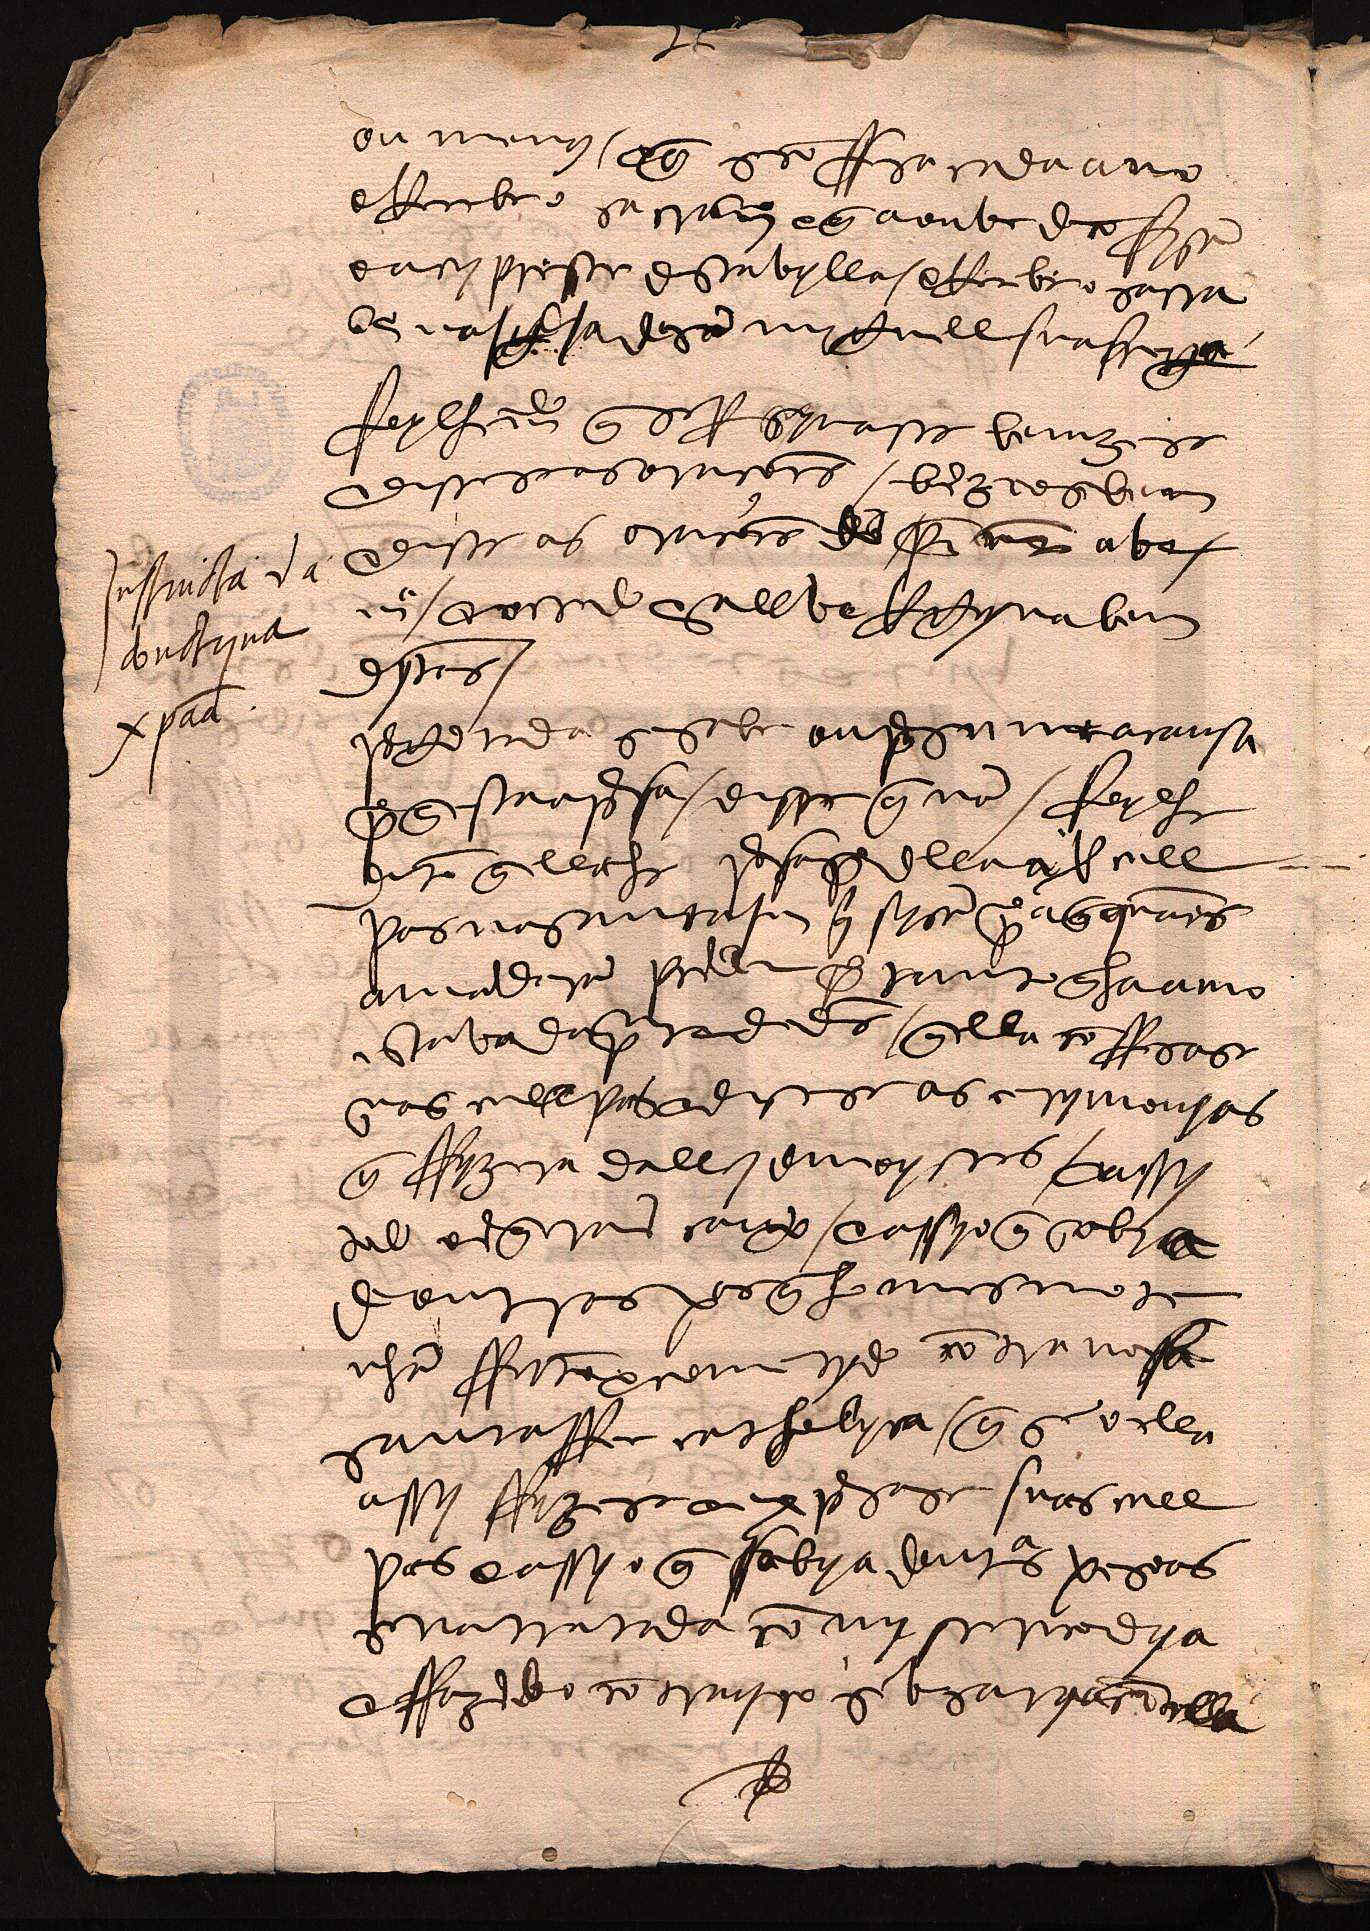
ou menꝯ / e q̄ se c̄offesa cada ano
e Recebe o sacramto e q̄ a ouve de c̄ofjsā
o acypreste desta vylla / e Recebe o sacra
mto na JḡJa de sā mjguell sua frega
foylhe mdo q̄ se ꝑsynasse bemzese
e dissese as orações / bēzeose bem
e disse as orações do p̄r n̄ro ave /
ma / e o credo e sallve Regyna bem
dytas /
p̄gūtada se sabe ou p̄sume a causa
p̄o q̄ estaa p̄sa / disse q̄ nā / foylhe
dito q̄ ella he p̄sa p̄o della aꝟ cull
pas na santa jmqisysā p̄o as qūaes
a mādarā prēder p̄otanto q̄ ha amo
estava da p̄te de ds̄ / q̄ ella cōffesase
suas cullpas e disese as cerymonjas
q̄ ffyzera da llej de moysees / e assy
todo o ē q̄ era ē cargo / e assy o q̄ sabja
de outras pas q̄ ho mesmo te
nhā ffeito e cometydo c̄otra nossa
santa ffe catholyca / q̄ se o ella
assy ffyzese e exp̄sase suas cull
pas e assy o q̄ sabya doutas pesoas
seria tratada c̄o mjsericordya
e ffazēdo o c̄otrayro se vzarya c̄o ella
